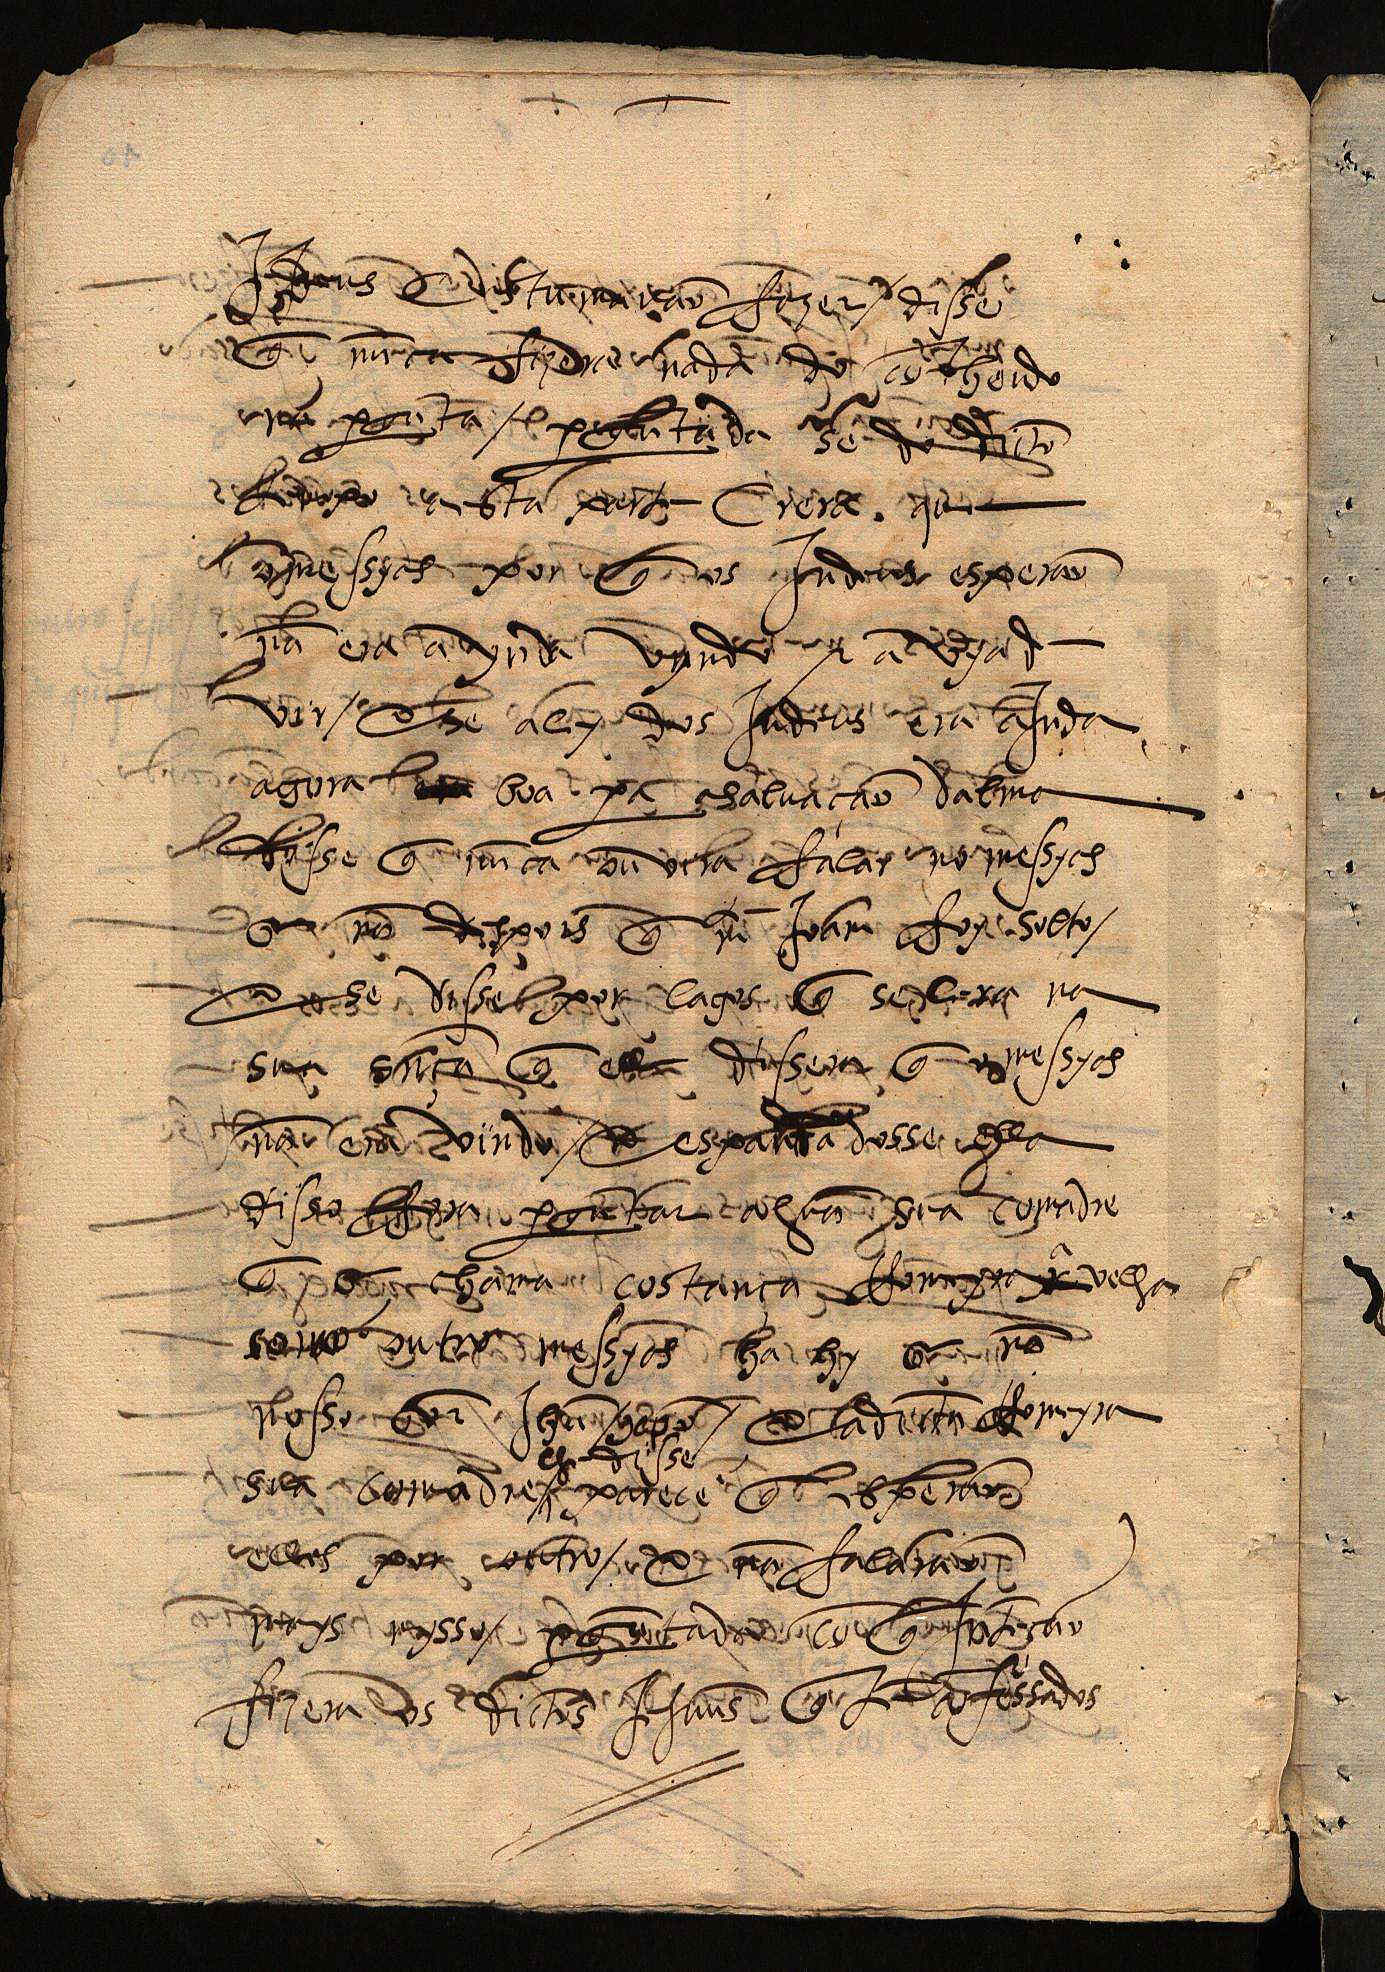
JeJuus Custumauão fazer / disse
q̄ nūca fizera nada do c̄otheudo
na ꝑgūta /e ꝑgūtada se do dicto
tempo a esta parte Crera. que
o messyas por q̄ os Judeus esperão
nā era aynda vyndo e avya de
vir / e se a ley dos Judeus era aJuda
agora era boa ꝑa a saluação dalma
disse q̄ nūca ouvira falar no messyas
se n̄o despois q̄ mte Joam foy solto /
e se disse por lagos q̄ se lera na
sua sn̄ça q̅ ele dissera q̅ o messyas
não era vindo / e espantadosse ella
disso fora ꝑgu̅tar a hu̅a sua comadre
q̄ se chama costança Romeyra xa velha
como outro messyas ha hy senā
nosso sōr Jhū / xpō / e a dīcta Romeyra
lhe disse
sua comadre / parece q̄ esperam̄
elles por outro /. e nā falaraõ
mays nysso / ꝑgūtada cō q̄ Jntēção
fizera os dictos JeJuūs q̄ tē cōfessados
